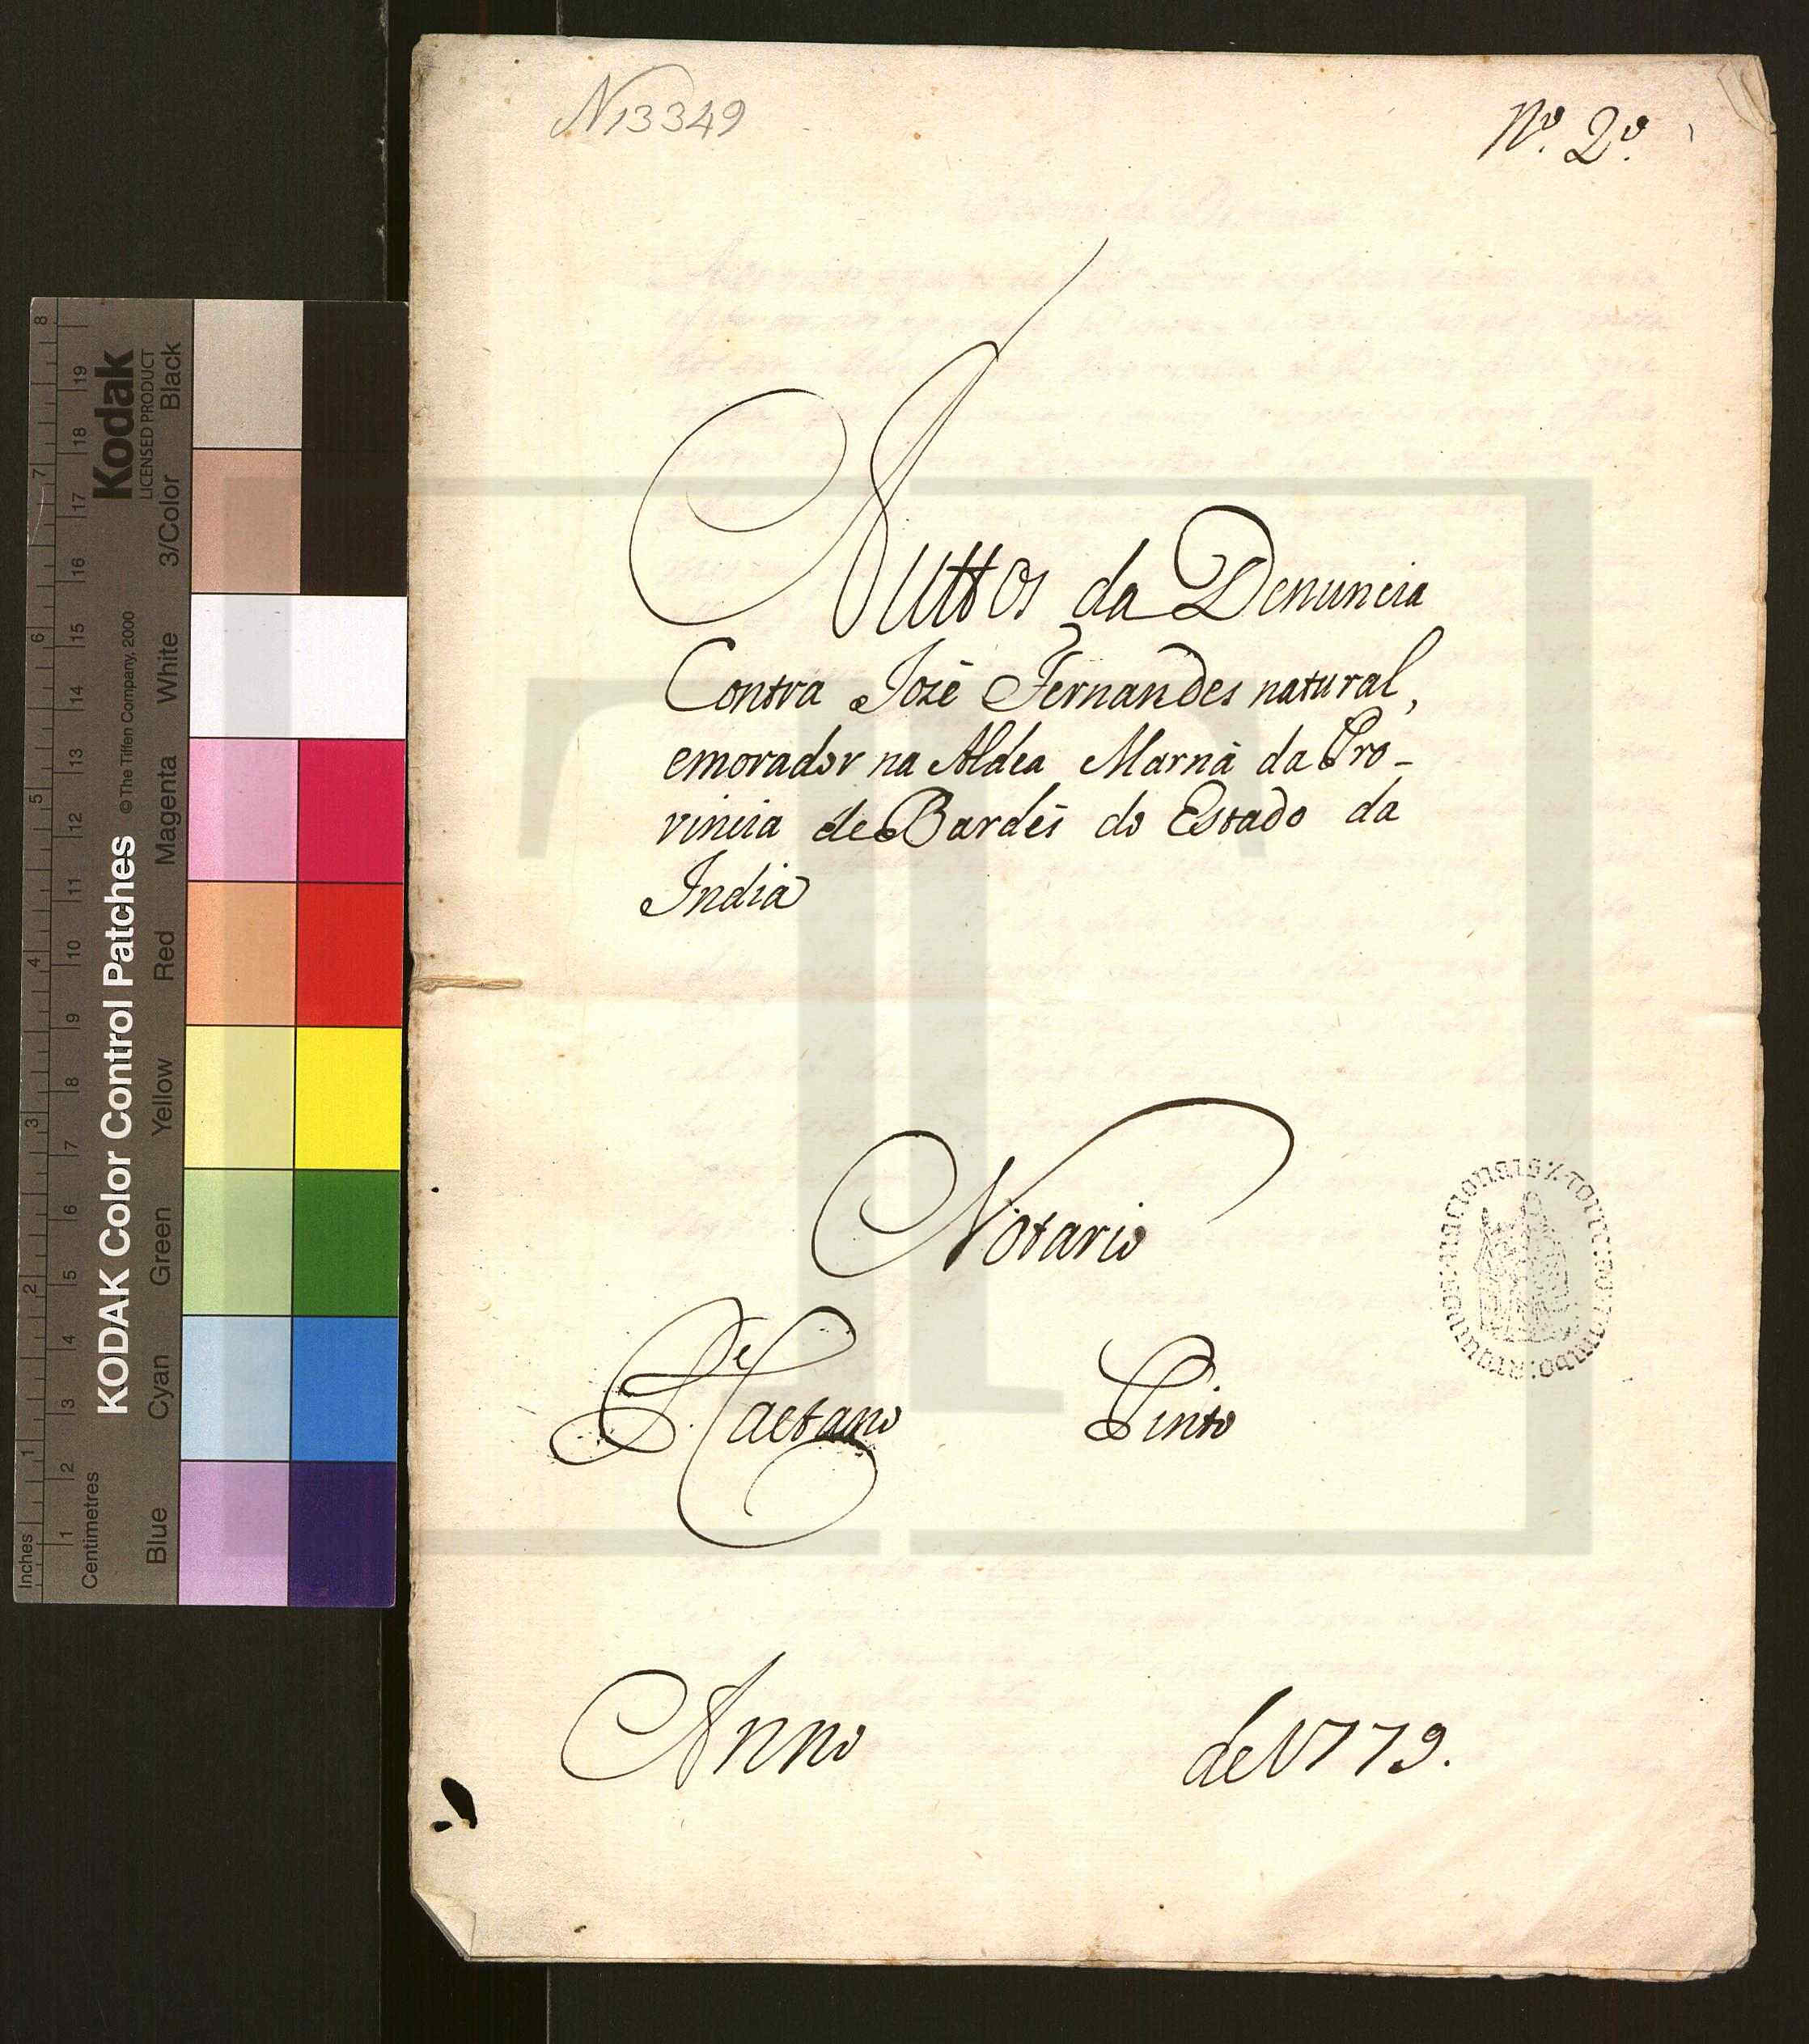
n.o 2.o
Auttos da Denuncia
Contra Iozé Fernandes natural,
e morador na Aldea Marnà da Pro
vincia de Bardás do Estado da
India
Notario
P.e Caetano Pinto
Anno de 1779.
